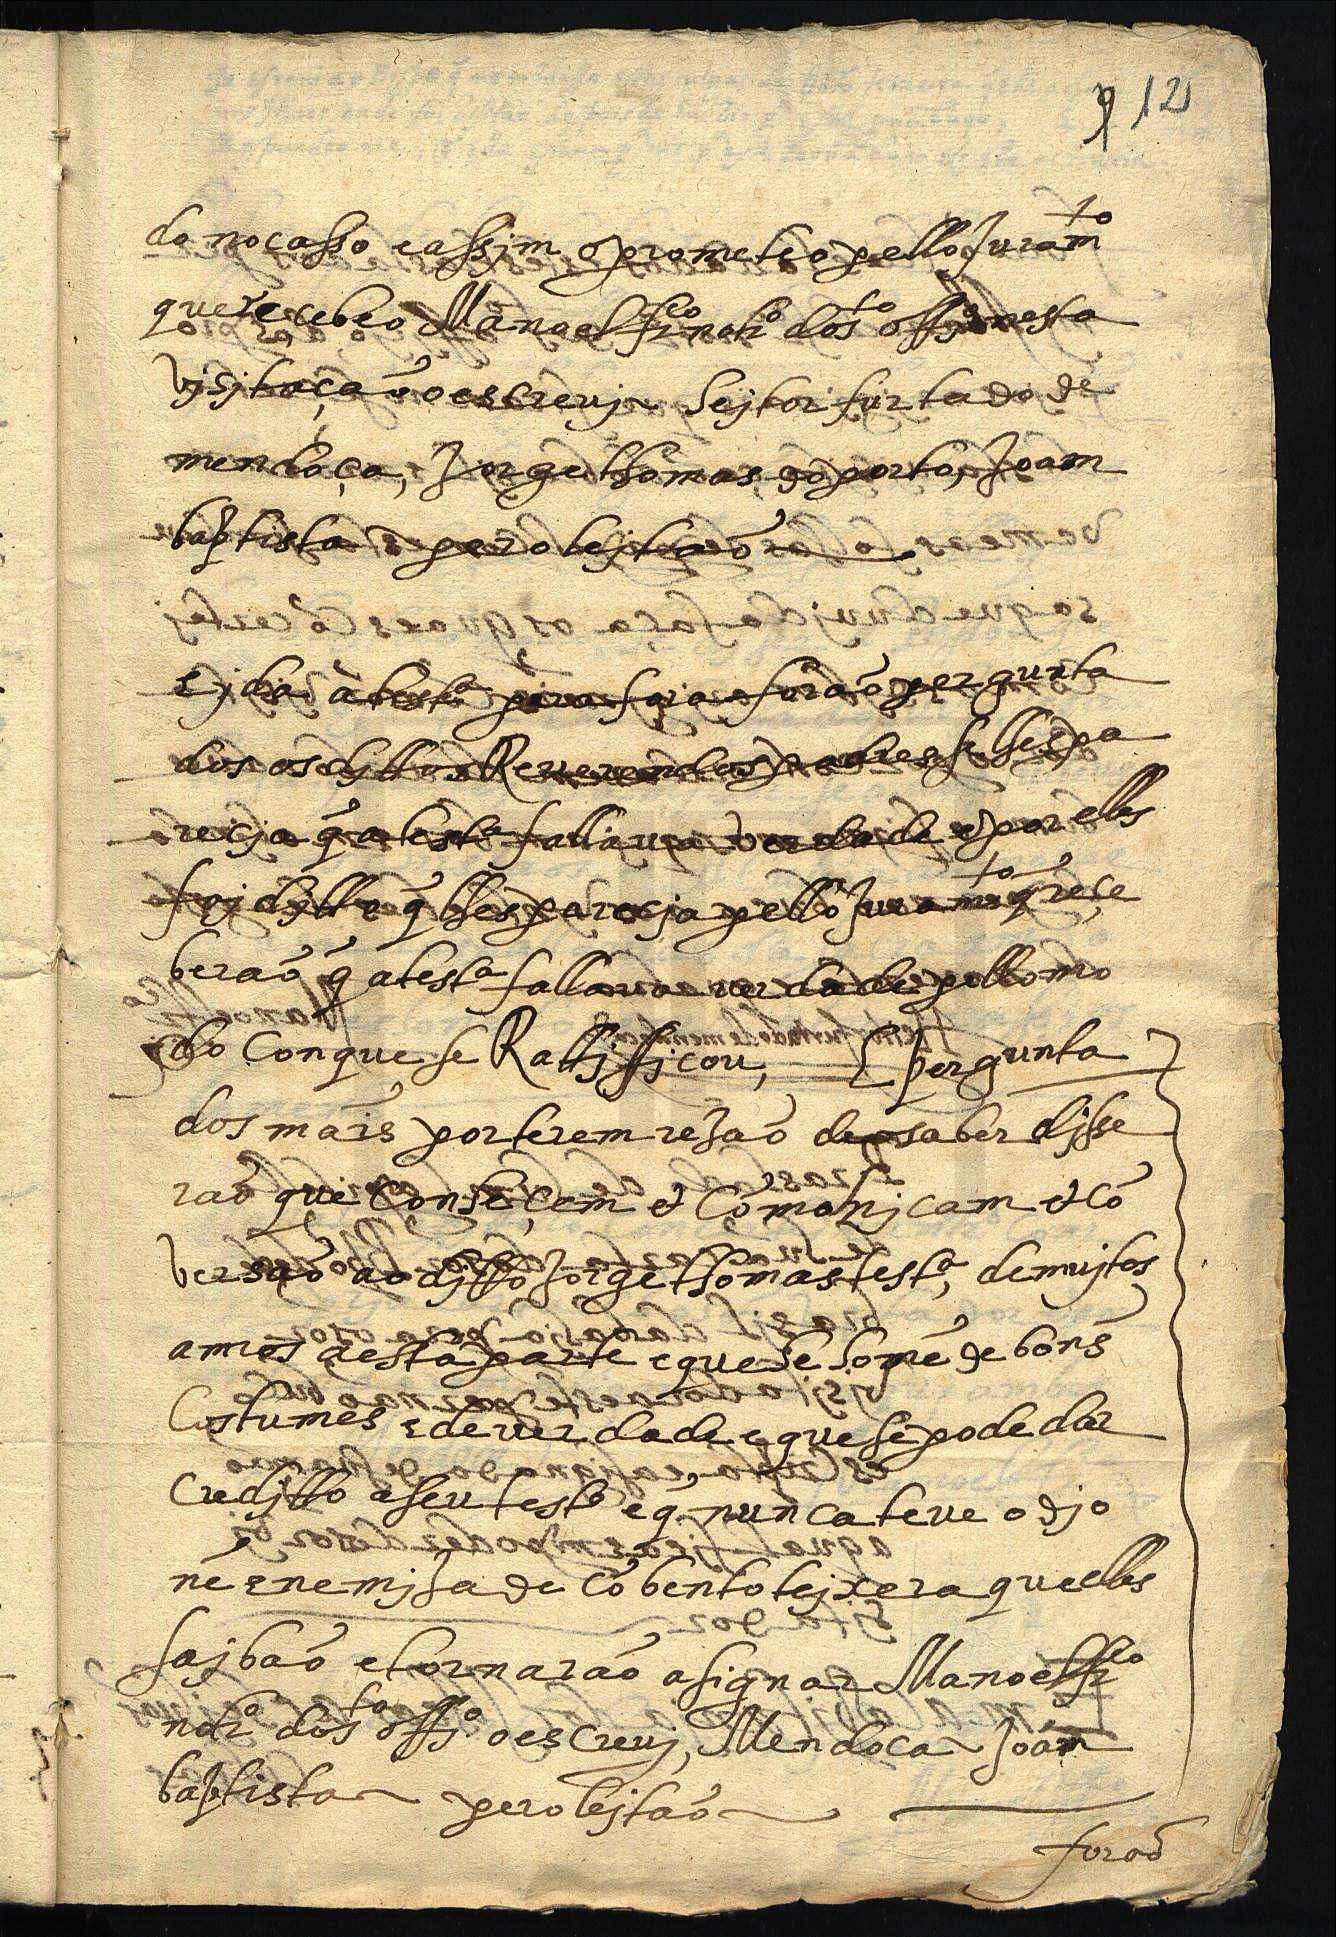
do no casso eassjm o prometeo pello Juram.to
que recebeo Manoel fr.co notr.o do s.to offj.o nesta
Vjsjtaçaõ o escrevj — heitor furtado de
mendoça, Jorge thomas do porto, Joam
baptista pero Lejtaõ
Ljda à test.a per notar.o e foraõ pergunta
dos os dittos Reverendos padres se lhes pa
recja q̄ a test.a fallava verdade e por elles
foj djtto q̄ lhes parecja pello Jurame.to q̄ reçe
beraõ q̄ atest.a fallava verdade pello mo
do con que se Rattjffjcou, E pergunta
dos mais por terem rezaõ de o saber djsse
raõ que conheçem e cōmonjcam e cō
versaõ ao ditto Jorge thomas test.a, de muitos
annos a esta parte e que he homē de bons
costumes e de verdade e que se pode dar
credjtto a seu test.o e q̄ nunca teve odjo
ne enemjzade cō bento tejxera que elles
sajbaõ e tornaraõ asignar Manoel fr.co
notr.o do s.to offj.o o escrevj, Mendoça Joam
baptista pero lejtaõ
foraõ
